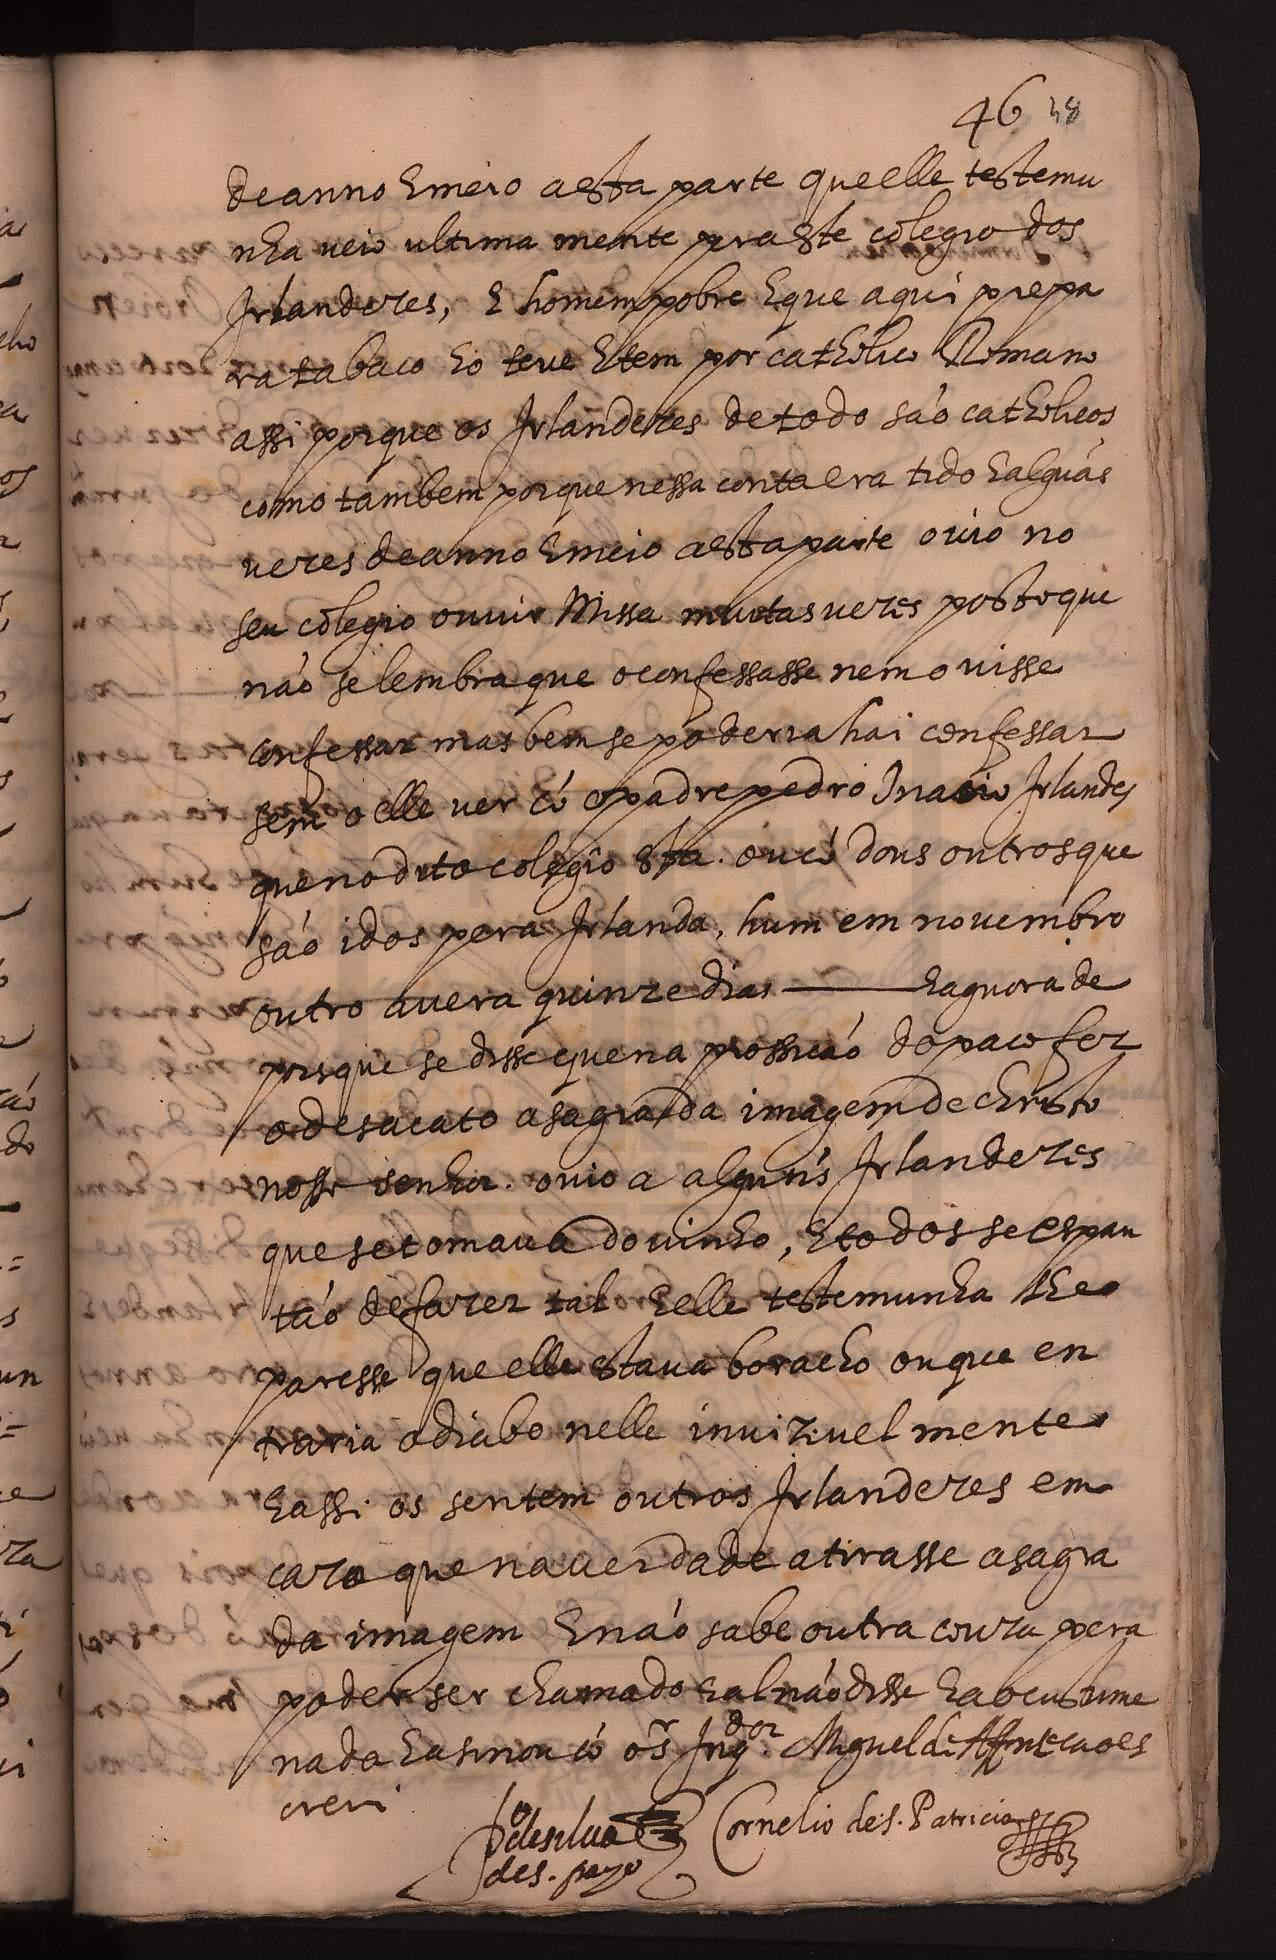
de anno E meio a esta parte que elle testemu
nha ueio ultimamente pera este colegio dos
Jrlandezes, E homem pobre E que aqui prepa
ra tabaco E o teue E tem por catholico Romano
assi porque os Jrlandezes de todo saõ catholicos
como tambem porque nessa conta era tido E alguās
uezes de anno E meio a esta parte o uio no
seu colegio ouuir Missa muitas uezes posto que
naõ se lembra que o confessasse nem o uisse
confessar mas bem se podera hai confessar
sem o elle uer cō o padre pedro Inacio Jrlandes
que no dito colegio esta. ou cō dous outros que
saõ idos pera Jrlanda, hum em nouembro
outro auera quinze dias _____ E aguora de
pois que se disse que na prossicaõ do paco fez
o desacato a sagrada imagem de christo
nosso senhor. ouio a alguns̄ Jrlandezes
que se tomaua do uinho, E todos se espan
taõ de fazer tal E elle testemunha lhe
paresse que elle estaua boracho ou que en
traria o diabo nelle inuiziuelmente
E assi os sentem outros Jrlandezes em
cazo que na uerdade atirasse a sagra
da imagem E naõ sabe outra couza pera
poder ser chamado E al naõ disse E ao custume
nada E asinou cō o sr Jnqdor. Miguel de Affonseca o es
creui
